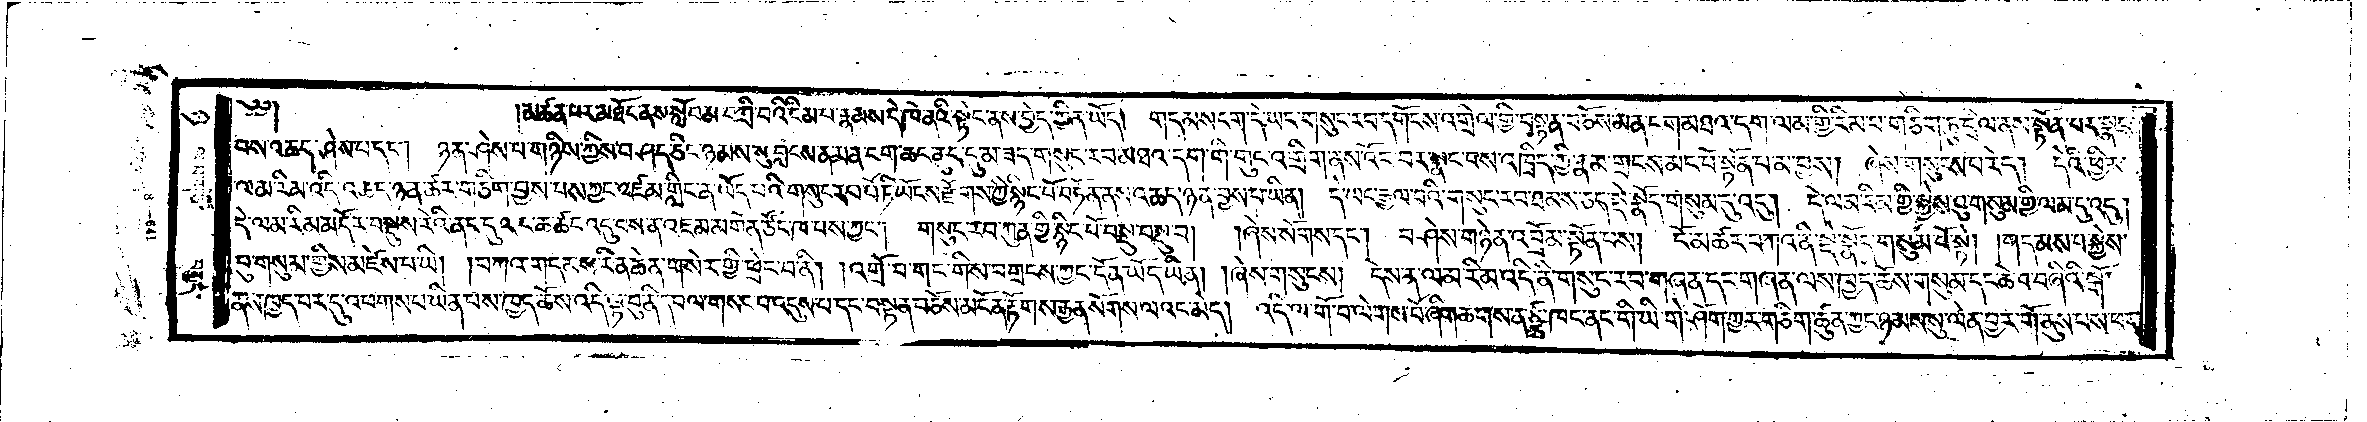༄༅། །མཚན་པར་མཐོང་ནས་སློབ་མ་བཀྲི་བའི་རིམ་པ་རྣམས་དེ་ཁོ་ནའི་སྟེང་ནས་བྱེད་ཀྱིན་ཡོད། གདམས་ངག་དེ་ཡང་གསུང་རབ་དགོངས་འགྲེལ་གྱི་བསྟན་བཅོས་མན་ངག་མཐའ་དག་ལམ་གྱི་རིམ་པ་གཅིག་ཏུ་དྲིལ་ནས་སྟོན་པར་སྣང་
བས་འཆད་ཤེས་པ་དང་། ཉན་ཤེས་པ་གཉིས་ཀྱིས་བཤད་ཅིང་ཉམས་སུ་བླངས་ན་མན་ངགཆང་ཆུང་དུ་མ་ཟད་གསུང་རབ་མཐའ་དག་གི་གུང་འགྲིག་ནས་འོང་བར་སྣང་བས་འཁྲིད་ཀྱི་རྣམ་གྲངས་མང་པོ་སྟོན་པ་མ་བྱས། ཞེས་གསུངས་པ་རེད། དེའི་ཕྱིར་
ལམ་རིམ་འདི་འཆད་ཉན་ཚར་གཅིག་བྱས་པས་ཀྱང་འཛམ་གླིང་ན་ཡོད་པའི་གསུང་རབ་པོ་ཏི་ཡོངས་རྫོགས་ཀྱི་སྙིང་པོ་བཏོན་ནས་འཆད་ཉན་བྱས་པ་ཡིན། དེ་ཡང་རྒྱལ་བའི་གསུང་རབ་ཐམས་ཅད་སྡེ་སྣོད་གསུམ་དུ་འདུ། དེ་ལམ་རིམ་གྱི་སྐྱེས་བུ་གསུམ་གྱི་ལམ་དུ་འདུ།
དེ་ལམ་རིམ་མདོར་བསྡུས་རེའི་ནང་དུའང་ཆ་ཚང་འདུ་བས་ན་འཇམ་མགོན་ཙོང་ཁ་པས་ཀྱང་། གསུང་རབ་ཀུན་གྱི་སྙིང་པོ་བསྡུ་བསྡུ་བ། །ཞེས་སོགས་དང་། བཤེས་གཉེན་འབྲོམ་སྟོན་པས། ངོ་མཚར་བཀའ་ནི་སྡེ་སྣོད་གསུམ་པོ་སྟེ། །གདམས་པ་སྐྱེས་
བུ་གསུམ་གྱིས་མཛེས་པ་ཡི། །བཀའ་གདམས་རིན་ཆེན་གསེར་གྱི་ཕྲེང་པ་ནི། །འགྲོ་བ་གང་གིས་བགྲངས་ཀྱང་དོན་ཡོད་ཡིན། །ཞེས་གསུངས། དེས་ན་ལམ་རིམ་འདི་ནི་གསུང་རབ་གཞན་དང་གཞན་ལས་ཁྱད་ཆོས་གསུམ་དང་ཆེ་བ་བཞིའི་སྒོ་
ནས་ཁྱད་པར་དུ་འཕགས་པ་ཡིན་པས་ཁྱད་ཆོས་འདི་ལྟ་བུ་ནི་དཔལ་གསང་བ་འདུས་པ་དང་བསྟན་བཅོས་མངོན་རྟོགས་རྒྱན་སོགས་ལའང་མེད། འདི་ལ་གོ་བ་ལེགས་པོ་ཞིག་ཆགས་ན་ཙྪ་ཁང་ནང་གི་ཡི་གེ་ཤོག་གྱར་གཅིག་ཚུན་ཀྱང་ཉམས་སུ་ལེན་བྱར་གོ་ནུས་པས་ཕར་